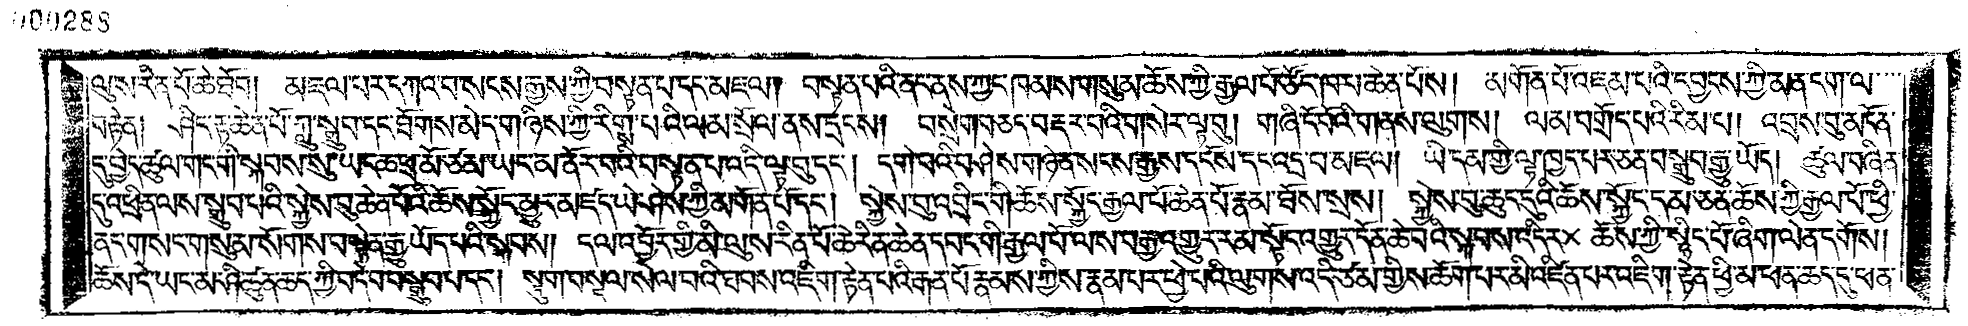ལུས་རིན་པོ་ཆེ་ཐོབ། མཇལ་པར་དཀའ་བ་སངས་རྒྱས་ཀྱི་བསྟན་པ་དང་མཇལ། བསྟན་པའི་ནང་ནས་ཀྱང་ཁམས་གསུམ་ཆོས་ཀྱི་རྒྱལ་པོ་ཙོང་ཁ་པ་ཆེན་པོས། མགོན་པོ་འཇམ་པའི་དབྱངས་ཀྱི་མན་ངག་ལ་
བརྟེན། ཤིང་རྟ་ཆེན་པོ་ཀླུ་སྒྲུབ་དང་ཐོགས་མེད་གཉིས་ཀྱི་རིགས་པའི་ལམ་སྲོལ་ནས་དྲངས། བསྲེག་བཅད་བརྡར་བའི་གསེར་ལྟ་བུ། གཞི་ངོ་བོའི་གནས་ལུགས། ལམ་བགྲོད་པའི་རིམ་པ། འབྲས་བུ་མངོན་
དུ་བྱེད་ཚུལ་གང་གི་སྐབས་སུ་ཡང་ཆ་ཕྲ་མོ་ཙམ་ཡང་མ་ནོར་བའི་བསྟན་པ་འདི་ལྟ་བུ་དང་། དགེ་བའི་བཤེས་གཉེན་སངས་རྒྱས་དངོས་དང་འདྲ་བ་མཇལ། ཡི་དམ་གྱི་ལྷ་ཁྱད་པར་ཅན་བསྒྲུབ་རྒྱུ་ཡོད། ཚུལ་བཞིན་
དུ་འཕྲིན་ལས་སྒྲུབ་པའི་སྐྱེས་བུ་ཆེན་པོའི་ཆོས་སྐྱོང་མྱུར་མཛད་ཡེ་ཤེས་ཀྱི་མགོན་པོ་དང་། སྐྱེས་བུ་འབྲིང་གི་ཆོས་སྐྱོང་རྒྱལ་པོ་ཆེན་པོ་རྣམ་ཐོས་སྲས། སྐྱེས་བུ་ཆུང་ངུའི་ཆོས་སྐྱོང་དམ་ཅན་ཆོས་ཀྱི་རྒྱལ་པོ་ཕྱི་
ནང་གསང་གསུམ་སོགས་བསྟེན་རྒྱུ་ཡོད་པའི་སྐབས། དལ་འབྱོར་གྱི་མི་ལུས་རིན་པོ་ཆེ་རིན་ཆེན་དབང་གི་རྒྱལ་པོ་ལས་བརྒྱ་འགྱུར་རམ་སྟོང་འགྱུར་དོན་ཆེ་བའི་སྐབས་འདིར྾་ཆོས་ཀྱི་སྙིང་པོ་ཞིག་ལེན་དགོས།
ཆོས་དེ་ཡང་མ་ཤི་ཚུན་ཆད་ཀྱི་བདེ་བ་བསྒྲུབ་པ་དང་། སྡུག་བསྔལ་སེལ་བའི་ཐབས་འཇིག་རྟེན་པའི་རྒན་པོ་རྣམས་ཀྱིས་རྣམ་པར་ཕྱེ་པའི་ལུགས་འདི་ཙམ་གྱིས་ཆོག་པར་མི་འཛིན་པར་འཇིག་རྟེན་ཕྱི་མ་ཕན་ཆད་དུ་ཕན་